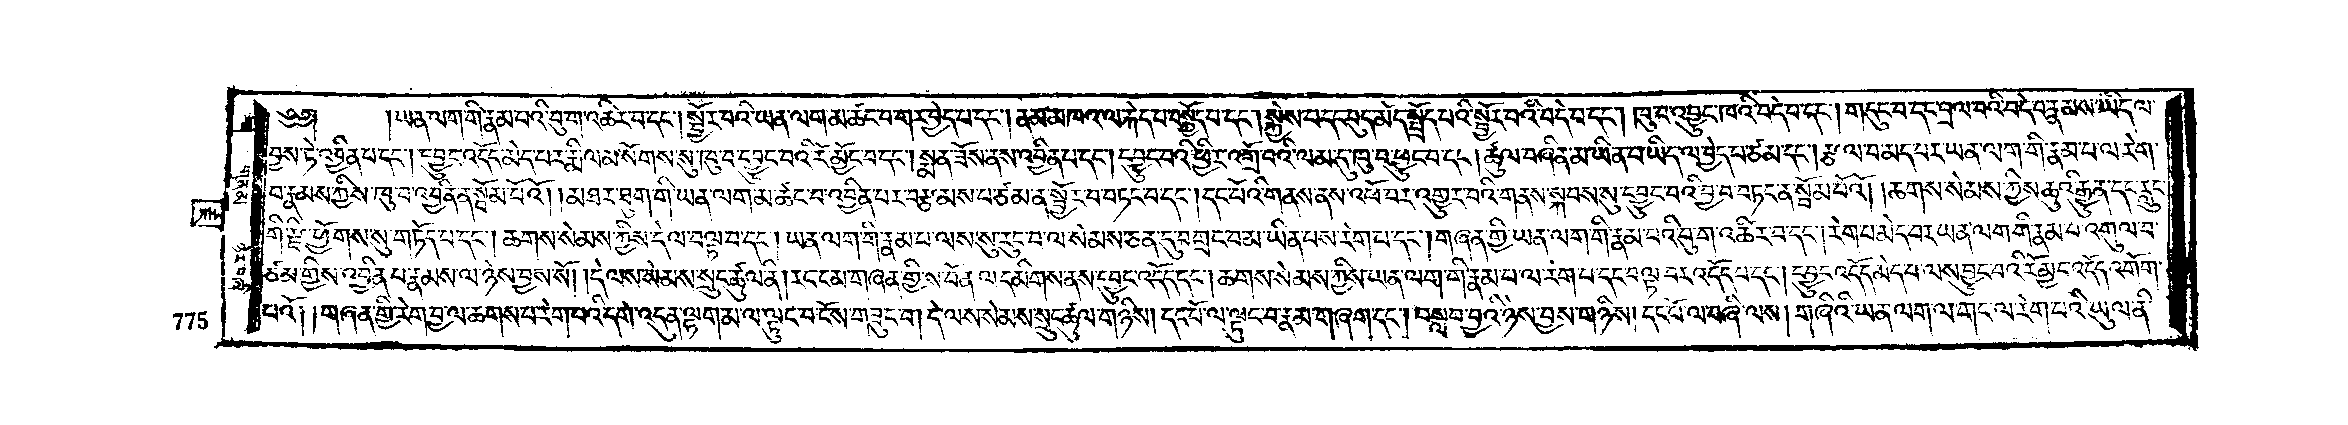༄༅། །ཡན་ལག་གི་རྣམ་པའི་བུ་ག་འཆིར་བ་དང་། སྦྱོར་བའི་ཡན་ལག་མ་ཚང་བ་གར་བྱེད་པ་དང་། ནམ་མཁའ་ལ་རྐེད་པ་བསྐྱོད་པ་དང་། སྐྱེས་པ་དང་བུད་མོད་སྤྲོད་པའི་སྦྱོར་བའི་བདེ་བ་དང་། ཁུ་བ་འབྱུང་ཁའི་བདེ་བ་དང་། གདུང་བ་དང་བྲལ་བའི་བདེ་བ་རྣམས་ཡིད་ལ་
བྱས་ཏེ་འབྱིན་པ་དང་། དབྱུང་འདོད་མེད་པར་རྨི་ལམ་སོགས་སུ་ཁུ་བ་དབྱུང་བའི་རོ་མྱོང་བ་དང་། སྨན་ཟོས་ནས་འབྱིན་པ་དང་། དབྱུང་བའི་ཕྱིར་འགྲོ་བའི་ལམ་དུ་ཁུ་བ་ཕྱུང་བ་དང་། ཚུལ་བཞིན་མ་ཡིན་པ་ཡིད་ལ་བྱེད་པ་ཙམ་དང་། རྩལ་བ་མད་པར་ཡན་ལག་གི་རྣམ་པ་ལ་རེག་
པ་རྣམས་ཀྱིས་ཁུ་བ་འབྱིན་ན་སྦོམ་པོའོ། །མཐར་ཐུག་གི་ཡན་ལག་མ་ཚང་བ་འབྱིན་པར་བརྩམས་པ་ཙམ་ན་སྦྱོར་བ་བཏང་བ་དང་། དང་པོའི་གནས་ནས་འཕོ་བར་འགྱུར་བའི་གནས་སྐབས་སུ་དབྱུང་བའི་བྱ་བ་བཏང་ན་སྦོམ་པོའོ། །ཆགས་སེམས་ཀྱིས་ཆུའི་རྒྱུན་དང་རླུང་
གི་རྫི་ཕྱོགས་སུ་གཏོད་པ་དང་། ཆགས་སེམས་ཀྱིས་དེ་ལ་བལྟ་བ་དང་། ཡན་ལག་གི་རྣམ་པ་ལས་སུ་རུང་བ་ལ་སེམས་ཅན་དུ་བགྲང་བ་མ་ཡིན་པས་རེག་པ་དང་། གཞན་གྱི་ཡན་ལག་གི་རྣམ་པའི་བུ་ག་འཚིར་བ་དང་། རེག་པ་མེད་པར་ཡན་ལག་གི་རྣམ་པ་འགུལ་བ་
ཙམ་གྱིས་འབྱིན་པ་རྣམས་ལ་ཉེས་བྱས་སོ། །དེ་ལས་སེམས་སྲུང་ཚུལ་ནི། རང་ངམ་གཞན་གྱི་ས་བོན་ལ་དམིགས་ནས་དབྱུང་འདོད་དང་། ཆགས་སེམས་ཀྱིས་ཡན་ལག་གི་རྣམ་པ་ལ་རེག་པ་དང་བལྟ་བར་འདོད་པ་དང་། དབྱུང་འདོད་མེད་པ་ལས་བྱུང་བའི་རོ་མྱང་འདོད་འགོག་
པའོ། །གཞན་གྱི་རེག་བྱ་ལ་ཆགས་པ་རེག་པའི་དགེ་འདུན་ལྷག་མ་ལ་ལྟུང་བ་ངོས་གཟུང་བ། དེ་ལས་སེམས་སྲུང་ཚུལ་གཉིས། དང་པོ་ལ་ལྟུང་བ་རྣམ་གཞག་དང་། བསླབ་བྱའི་ཉེས་བྱས་གཉིས། དང་པོ་ལ་བཞི་ལས། གཞིའི་ཡན་ལག་ལ་གང་ལ་རེག་པའི་ཡུལ་ནི་